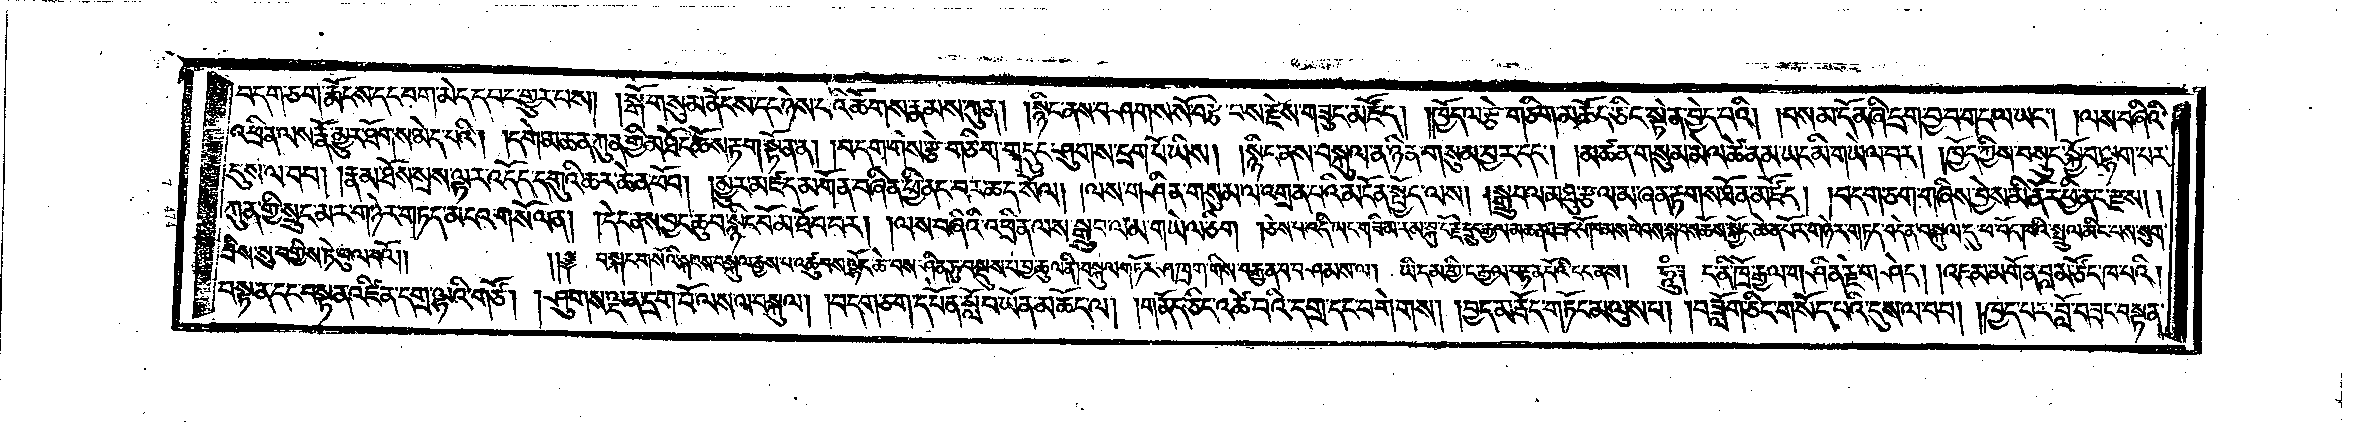བདག་ཅག་རྨོངས་དང་བག་མེད་དབང་གྱུར་པས། །སྒོ་གསུམ་ནོངས་དང་ཉེས་པའི་ཚོགས་རྣམས་ཀུན། །སྙིང་ནས་བཤགས་སོ་བརྩེ་བས་རྗེས་གཟུང་མཛོད། །ཁྱོད་ལ་རྩེ་གཅིག་མཆོད་ཅིང་སྟེན་བྱེད་པའི། །བསམ་དོན་ཞི་དྲག་བྱ་བ་གང་ལ་ཡང་། །ལས་བཞིའི་
འཕྲིན་ལས་རྣོ་མྱུར་ཐོགས་མེད་པའི། །དགེ་མཚན་ཀུན་གྱི་མཐོང་ཆོས་རྟག་སྟོན་ན། །བདག་གིས་རྩེ་གཅིག་གདུང་ཤུགས་དྲག་པོ་ཡིས། །སྙིང་ནས་བསྐུལ་ན་ཉིན་གསུམ་བྱར་དང་། །མཚན་གསུམ་མེལ་ཚེ་ནམ་ཡང་མི་གཡེལ་བར། །ཁྱོད་ཀྱིས་བསྲུང་སྐྱོབ་ལྷག་པར་
དུས་ལ་བབ། །རྣམ་ཐོས་སྲས་ལྟར་འདོད་དགུའི་ཆར་ཆེན་ཕོབ། །མྱུར་མཛད་མགོན་བཞིན་ཕྱི་ནང་པར་ཆད་སོལ། །ལས་གཤིན་གསུམ་ལ་འགྲན་པའི་མངོན་སྤྱོད་ལས། །སྒྲུབ་ལ་མཐུ་རྩལ་མ་ཞན་རྟགས་ཐོན་མཛོད། །བདག་ཅག་གཞིས་བྱེས་མི་ནོར་ཕྱི་ནང་རྫས། །
ཀུན་གྱི་སྲུང་མར་གཉེར་གཏད་མངའ་གསོལ་ན། །དེང་ནས་བྱང་ཆུབ་སྙིང་པོ་མ་ཐོབ་བར། །ལས་བཞིའི་འཕྲིན་ལས་སྒྲུབ་ལ་མ་གཡེལ་ཅིག །ཅེས་པ་འདི་ཡང་གཟིམ་རམ་སྐུ་ངོ་རྗེ་དྲུང་རྒྱལ་མཚན་བཟང་པོ་ཁམས་ཕེབས་སྐབས་ཆོས་སྐྱོང་ཆེན་པོར་གཉེར་གཏད་བདེན་བསྐུལ་དུ་ཕ་བོང་ཁའི་སྤྲུལ་མིང་པས་སུག་
བྲིས་སུ་བགྱིས་ཏེ་ཕུལ་བའོ།། །།༈ བསྐང་གསོའི་སྐབས་བསྐུལ་རྒྱས་པ་འཚུབས་ལྷོང་ཆེ་བས་ཤིན་ཏུ་བསྡུས་པ་བྱ་ཆུལ་ནི། བསྐུལ་གཏོར་ཤ་ཁྲག་གིས་བརྒྱན་པ་བཤམས་ལ། ཡི་དམ་གྱི་ང་རྒྱལ་བརྟན་པོའི་དང་ནས། ཧཱུཾ༑ ད་ནི་ཁྲོ་རྒྱལ་གཤིན་རྗེ་གཤེད། །འཇམ་མགོན་བླ་མ་ཙོང་ཁ་པའི།
བསྟན་དང་བསྟན་འཛིན་དགྲ་ལྷའི་གཙོ། །ཤུགས་ལྡན་དྲག་པོ་ལས་ལ་བསྐུལ། །བདག་ཅག་དཔོན་སློབ་ཡོན་མཆོད་ལ། །གནོད་ཅིང་འཚེ་བའི་དགྲ་དང་བགེགས། །བྱད་མ་རྦོད་གཏོང་མ་ལུས་པ། །བཟློག་ཅིང་གསོད་པའི་དུས་ལ་བབ། །ཁྱད་པར་བློ་བཟང་བསྟན་